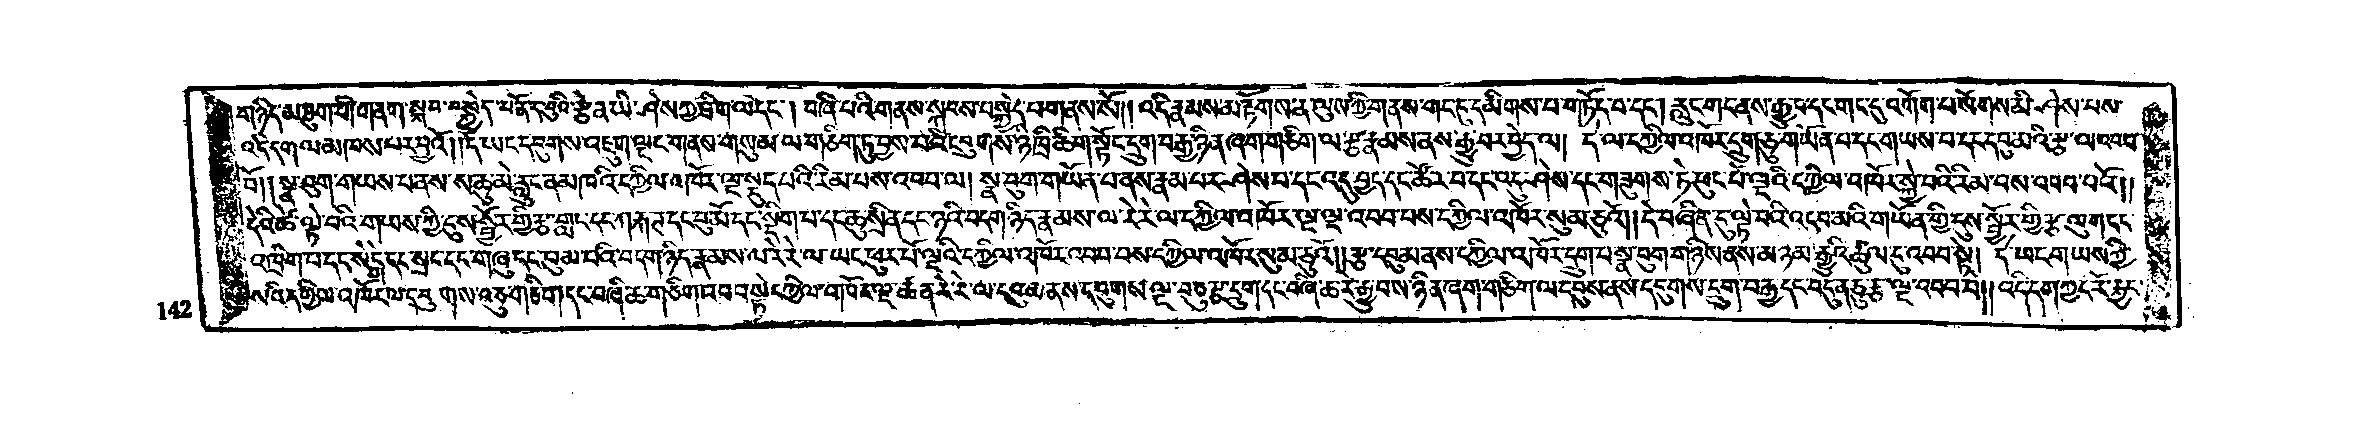གཉིད་མཐུག་གི་གནག་སྐབ་བསྐྱེད་པ་ནོར་བུའི་རྩེན་ཡི་ཤེས་ཀྱི་ཐིག་ལེ་དང་། བཞི་པའི་གནས་སྐབས་བསྐྱེད་པ་གནས་སོ། །འདི་རྣམས་མ་རྟོགས་ན་ལུས་ཀྱི་གནས་གང་དུ་དམིགས་པ་གཏོད་པ་དང་། རླུང་གང་ནས་རྒྱུ་བ་དང་གང་དུ་འགོག་པ་སོགས་མི་ཤེས་པས་
འདི་དག་ལ་མཁས་པར་བྱའོ། །དེ་ཡང་དབུགས་འཇུག་ལྡང་གནས་གསུམ་ལ་གཅིག་ཏུ་བྱས་པའི་དབུགས་ཉི་ཁྲི་ཆིག་སྟོང་དྲུག་བརྒྱ་ཉིན་ཞག་གཅིག་ལ་རྩ་རྣམས་ནས་རྒྱུ་བར་བྱེད་ལ། དེ་ལ་དཀྱིལ་འཁོར་དྲུག་ཅུ་གཡོན་བ་དང་གཡས་པ་དང་དབུ་མའི་རྩ་ལ་འབབ་
བོ། །སྣ་བུག་གཡས་པ་ནས་ས་ཆུ་མེ་རླུང་ནམ་མཁའི་དཀྱིལ་འཁོར་ལྔ་སྡུད་པའི་རིམ་པས་འབབ་ལ། སྣ་བུག་གཡོན་པ་ནས་རྣམ་པར་ཤེས་པ་དང་འདུ་བྱད་དང་ཚོར་བ་དང་འདུ་ཤེས་དང་གཟུགས་ཏེ་ཕུང་པོ་ལྔའི་དཀྱིལ་འཁོར་སྐྱེ་བའི་རིམ་པས་འབབ་པའོ། །
དེའི་ཚེ་ལྟེ་བའི་གཡས་ཀྱི་དུས་སྦྱོར་གྱི་རྩ་གླང་དང་ཀརཀཊ་དང་བུ་མོ་དང་སྡིག་པ་དང་ཆུ་སྲིན་དང་ཉའི་བདག་ཉིད་རྣམས་ལ་རེ་རེ་ལ་དཀྱིལ་འཁོར་ལྔ་ལྔ་འབབ་པས་དཀྱིལ་འཁོར་སུམ་ཅུའོ། །དེ་བཞིན་དུ་ལྟེ་བའི་འདབ་མའི་གཡོན་གྱི་དུས་སྦྱོར་གྱི་རྩ་ལུག་དང་
འཁྲིག་པ་དང་སེངགེ་དང་སྲང་དང་གཞུ་དང་བུམ་པའི་བདག་ཉིད་རྣམས་ལ་རེ་རེ་ལ་ཡང་ཕུང་པོ་ལྔའི་དཀྱིལ་འཁོར་འབབ་པས་དཀྱིལ་འཁོར་སུམ་ཅུའོ། །རྩ་དབུ་མ་ནས་དཀྱིལ་འཁོར་དྲུག་པ་སྣ་བུག་གཉིས་ནས་མཉམ་རྒྱུའི་ཚུལ་དུ་འབབ་སྟེ། དེ་ཡང་གཡས་ཀྱི་
སའི་དཀྱིལ་འཁོར་ལ་དབུ་དབུགས་བཅུ་གཅིག་དང་བཞི་ཆ་གཅིག་འབབ་སྟེ་དཀྱིལ་འཁོར་ལྔ་ཚན་རེ་རེ་ལ་དབུ་མ་ནས་དབུགས་ལྔ་བཅུ་རྩ་དྲུག་དང་བཞི་ཆ་རེ་རྒྱུ་བས་ཉིན་ཞག་གཅིག་ལ་དབུས་ནས་དབུགས?་དྲུག་བརྒྱ་དང་བདུན་ཅུ་རྩ་ལྔ་འབབ་པ། །འདི་དག་ཀྱང་རོ་རྐྱང་